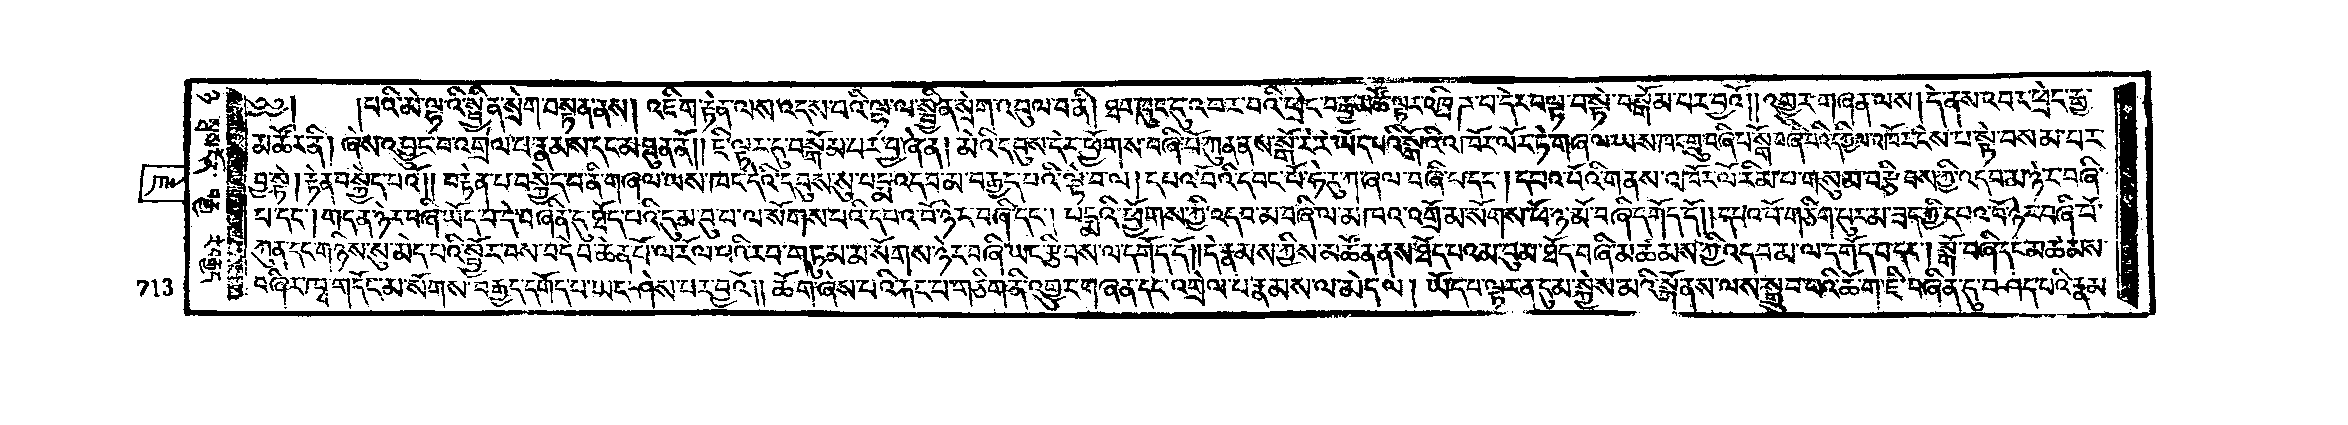༄༅། །པའི་མེ་ལྷའི་སྦྱིན་སྲེག་བསྟན་ནས། འཇིག་རྟེན་ལས་འདས་པའི་ལྷ་ལ་སྦྱིན་སྲེག་འབུལ་བ་ནི། ཐབ་ཁུང་དུ་འབར་བའི་ཕྲེང་བ་རྒྱ་མཚོ་ལྟར་འཁྲིགས་པ་དེར་བལྟ་བ་སྟེ་བསྒོམ་པར་བྱའོ། །འགྱུར་གཞན་ལས། དེ་ནས་འབར་ཕྲེང་རྒྱ་
མཚོར་ནི། ཞེས་འབྱུང་བ་འགྲེལ་པ་རྣམས་དང་མཐུན་ནོ། །ཇི་ལྟར་དུ་བསྒོམ་པར་བྱ་ཞེ་ན། མེའི་དབུས་དེར་ཕྱོགས་བཞི་པོ་ཀུན་ནས་སྒོ་རེ་རེ་ཡོད་པའི་སྒོའི་འཁོར་ལོར་ཏེ་གཞལ་ཡས་ཁང་གྲུ་བཞི་པ་སྒོ་བཞི་པའི་དཀྱིལ་འཁོར་ངེས་པ་སྟེ་བསམ་པར་
བྱ་སྟེ། རྟེན་བསྐྱེད་པའོ། །བརྟེན་པ་བསྐྱེད་པ་ནི་གཞལ་ཡས་ཁང་དེའི་དབུས་སུ་པདམ་འདབ་མ་བརྒྱད་པའི་ལྟེ་བ་ལ། དཔའ་བོའི་དབང་པོ་ཧེ་རུ་ཀ་ཞལ་བཞི་པ་དང་། དཔའ་བོའི་གནས་འཁོར་ལོ་རིམ་པ་གསུམ་བརྩིབས་ཀྱི་འདབ་མ་ཉེར་བཞི་
པ་དང་། གདན་ཉེར་བཞི་ཡོད་པ་དེ་བཞིན་དུ་ཐོད་པའི་དུམ་བུ་པ་ལ་སོགས་པའི་དཔའ་བོ་ཉེར་བཞི་དང་། པདམའི་ཕྱོགས་ཀྱི་འདབ་མ་བཞི་ལ་མཁའ་འགྲོ་མ་སོགས་ཕོ་ཉ་མོ་བཞི་དགོད་དོ། །དཔའ་བོ་གཅིག་པུར་མ་ཟད་ཀྱི་དཔའ་བོ་ཉེར་བཞི་པོ་
ཀུན་དང་གཉིས་སུ་མེད་པའི་སྦྱོར་བས་བདེ་བ་ཆེན་པོ་ལ་རོལ་པའི་རབ་གཏུམ་མ་སོགས་ཉེར་བཞི་ཡང་རྩིབས་ལ་དགོད་དོ། །དེ་རྣམས་ཀྱིས་མཚོན་ནས་ཐོད་པའམ་བུམ་ཐོད་བཞི་མཚམས་ཀྱི་འདབ་མ་ལ་དགོད་པ་དང་། སྒོ་བཞི་དང་མཚམས་
བཞིར་ཁྭ་གདོང་མ་སོགས་བརྒྱད་དགོད་པ་ཡང་ཤེས་པར་བྱའོ། །ཆོ་ག་ཞེས་པའི་རྐང་པ་གཅིག་ནི་འགྱུར་གཞན་དང་འགྲེལ་པ་རྣམས་ལ་མེད་ལ། ཡོད་པ་ལྟར་ན་དུམ་སྐྱེས་མའི་སྒོ་ནས་ལས་སྒྲུབ་པའི་ཆོ་ག་ཇི་བཞིན་དུ་བཤད་པའི་རྣམ་